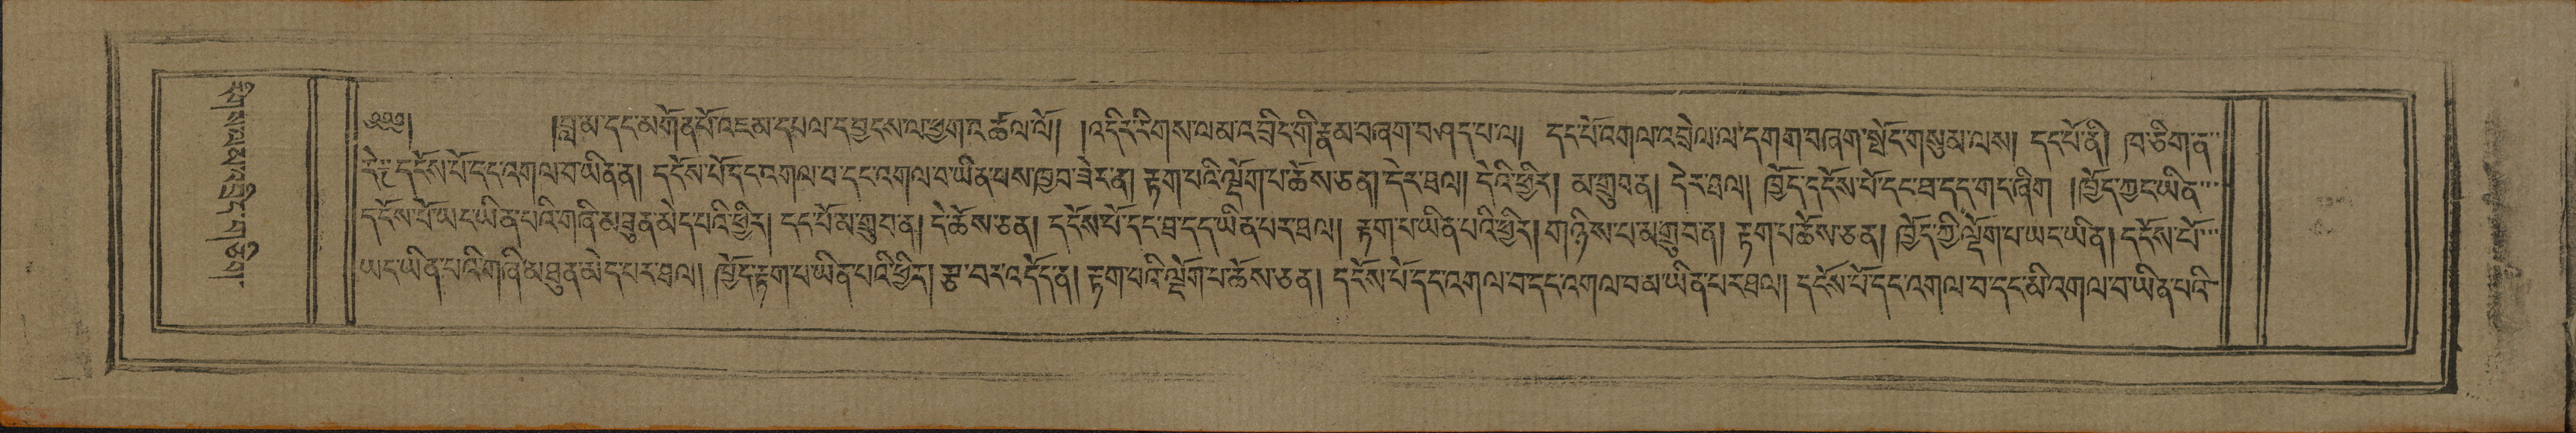༄༅༅། །བླ་མ་དང་མགོན་པོ་འཇམ་དཔལ་དབྱངས་ལ་ཕྱག་འཚལ་ལོ། །འདིར་རིགས་ལམ་འབྲིང་གི་རྣམ་བཞག་བཤད་པ་ལ། དང་པོ་འགལ་འབྲེལ་ལ་དགག་བཞག་སྤོང་གསུམ་ལས། དང་པོ་ནི། ཁ་ཅིག་ན་
རེ༑ དངོས་པོ་དང་འགལ་བ་ཡིན་ན། དངོས་པོ་དང་འགལ་བ་དང་འགལ་བ་ཡིན་པས་ཁྱབ་ཟེར་ན། རྟག་པའི་ལྡོག་པ་ཆོས་ཅན། དེར་ཐལ། དེའི་ཕྱིར། མ་གྲུབ་ན། དེར་ཐལ། ཁྱོད་དངོས་པོ་དང་ཐ་དད་གང་ཞིག །ཁྱོད་ཀྱང་ཡིན་
དངོས་པོ་ཡང་ཡིན་པའི་གཞི་མཐུན་མེད་པའི་ཕྱིར། དང་པོ་མ་གྲུབ་ན། དེ་ཆོས་ཅན། དངོས་པོ་དང་ཐ་དད་ཡིན་པར་ཐལ། རྟག་པ་ཡིན་པའི་ཕྱིར། གཉིས་པ་མ་གྲུབ་ན། རྟག་པ་ཆོས་ཅན། ཁྱོད་ཀྱི་ལྡོག་པ་ཡང་ཡིན། དངོས་པོ་
ཡང་ཡིན་པའི་གཞི་མཐུན་མེད་པར་ཐལ། ཁྱོད་རྟག་པ་ཡིན་པའི་ཕྱིར། རྩ་བར་འདོད་ན། རྟག་པའི་ལྡོག་པ་ཆོས་ཅན། དངོས་པོ་དང་འགལ་བ་དང་འགལ་བ་མ་ཡིན་པར་ཐལ། དངོས་པོ་དང་འགལ་བ་དང་མི་འགལ་བ་ཡིན་པའི་